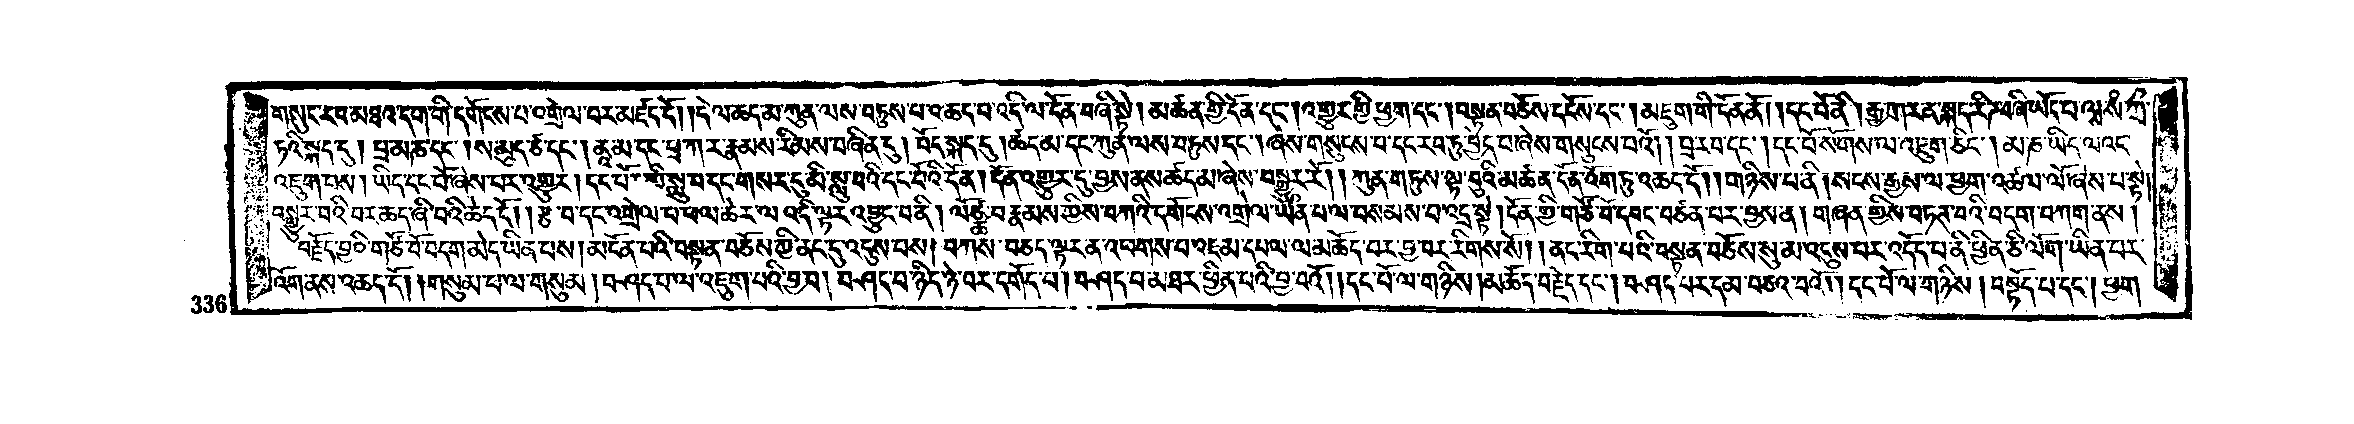གསུངས་རབ་མཐའ་དག་གི་དགོངས་པ་འགྲེལ་བར་མཛད་དོ། །དེ་ལ་ཆད་མ་ཀུན་ལས་བཏུས་པ་འཆད་པ་འདི་ལ་དོན་བཞི་སྟེ། མཚན་གྱི་དོན་དང་། འགྱུར་གྱི་ཕྱག་དང་། བསྟན་བཅོས་དངོས་དང་། མཇུག་གི་དོན་ནོ། །དང་པོ་ནི། རྒྱ་གར་ན་སྐད་རིགས་བཞི་ཡོད་པ་ལས་སཾ་ཀྲྀ་
ཏའི་སྐད་དུ། ཕྲ་མཎ་དང་། ས་མུད་ཙད་དང་། ནཱ་མ་དང་པྲ་ཀ་ར་རྣམས་རིམས་བཞིན་དུ། བོད་སྐད་དུམ་ཚད་མ་དང་ཀུན་ལས་བཏུས་དང་། ཞེས་གསུངས་པ་དང་རབ་ཏུ་བྱེད་པ་ཞེས་གསུངས་པའོ། །བྲ་རབ་དང་། དང་པོ་སོགས་ལ་འཇུག་ཅིང་། མ་ཎ་ཡིད་ལའང་
འཇུག་པས། ཡིད་དང་པོ་ཞེས་པར་འགྱུར། དང་པོ་གྱི་སླུ་བ་དང་གསར་དུ་མི་སླུ་བའི་དང་པོའི་དོན། དོན་འགྱུར་དུ་བྱས་ནས་ཚད་མ་ཞེས་བསྒྱུར་རོ། །ཀུན་གཏུས་ལྟ་བུའི་མཚན་དོན་འོག་ཏུ་འཆད་དོ། །གཉིས་པ་ནི། སངས་རྒྱས་ལ་ཕྱག་འཚལ་ལོ་ཞེས་པ་སྟེ།
བསྒྱུར་བའི་བར་ཆད་ཞི་བའི་ཆེད་དོ། །རྩ་བ་དང་འགྲེལ་པ་ཕལ་ཆེར་ལ་འདི་ལྟར་འབྱུང་བ་ནི། ལོཙྪ་བ་རྣམས་ཀྱིས་བཀའི་དགོངས་འགྲེལ་ཡིན་པ་ལ་བསམས་པ་འདྲ་སྟེ། དོན་གྱི་གཙོ་བོ་དབང་བཙན་པར་བྱས་ན། གཞན་གྱིས་བཏགས་པ་འི་བདག་བཀག་ནས།
བརྗོད་བྱའི་གཙོ་བོ་བདག་མེད་ཡིན་པས། མངོན་པ་འི་བསྟན་བཅོས་ཀྱི་ནང་དུ་འདུས་པས། བཀས་བཅད་ལྟར་ན་འཕགས་པ་འཇམ་དཔལ་ལ་མཆོད་པར་བྱ་བར་རིགས་སོ། །ནང་རིག་པ་འི་བསྟན་བཅོས་སུ་མ་འདུས་པར་འདོད་པ་ནི་ཕྱིན་ཅི་ལོག་ཡིན་པར་
འོག་ནས་འཆད་དོ། །གསུམ་པ་ལ་གསུམ། བཤད་པ་ལ་འཇུག་པ་འི་བྱ་བ། བཤད་པ་ཉིད་ཉེ་བར་དགོད་པ་། བཤད་པ་མཐར་ཕྱིན་པ་འི་བྱ་བའོ། །དང་པོ་ལ་གཉིས། མཆོད་བརྗེད་དང་། བཤད་པར་དམ་བཅའ་བའོ། །དང་པོ་ལ་གཉིས། བསྟོད་པ་དང་། ཕྱག་